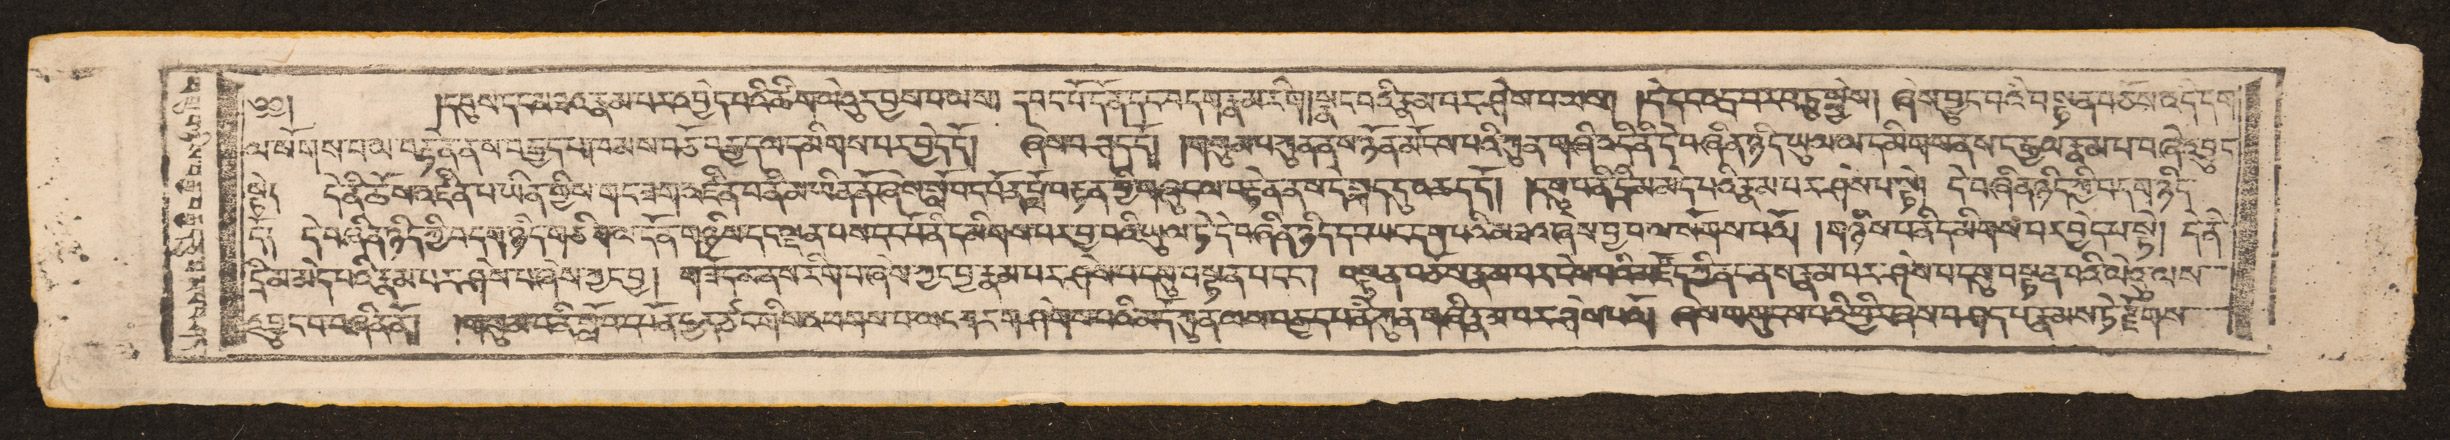༄༅། །དབུས་དང་མཐའ་རྣམ་པར་འབྱེད་པའི་ཚིག་ལེའུར་བྱས་པ་ལས། དབང་པོ་དོན་དང་བདག་རྣམ་རིག །སྣང་བའི་རྣམ་པར་ཤེས་པ་ལས། །དེ་དང་འདྲ་བ་རབ་ཏུ་སྐྱེས། ཞེས་བྱུང་བའི་བསྟན་བཅོས་འདི་དང་
ལ་སོགས་པ་ལ་བརྟེན་ནས་བརྒྱད་པ་ཁམས་བཅོ་བརྒྱད་ལ་དམིགས་པར་བྱེད་དོ། ཞེས་བཤད་དོ། །གསུམ་པ་ཀུན་ནས་ཉོན་མོངས་པའི་ཀུན་གཞི་འདི་ནི་དེ་བཞིན་ཉིད་ཡུལ་ལ་དམིགས་ནས་ང་རྒྱལ་རྣམ་པ་བཞི་འབྱུང་
སྟེ༑ དེ་ནི་ཆོས་འཛིན་པ་ཡིན་གྱིས་གང་ཟག་འཛིན་པ་ནི་མ་ཡིན་ནོ་ཞེས་སློབ་དཔོན་བློ་བརྟན་གྱི་གཞུང་ལ་བརྟེན་ནས་དེ་སྐད་དུ་འཆད་དོ། །དགུ་པ་ནི་དྲི་མ་མེད་པའི་རྣམ་པར་ཤས་པ་སྟེ། དེ་བཞིན་ཉིད་ཀྱི་བདག་ཉིད་
དོ། དེ་བཞིན་ཉིད་ཀྱི་བདག་ཉིད་གཅིག་ལ་དོན་གཉིས་དང་ལྡན་པས་དང་པོ་ནི་དམིགས་པར་བྱ་བའི་ཡུལ་ཏེ་དེ་བཞིན་ཉིད་དང་ཡང་དག་པའི་མཐའ་ཞེས་བྱ་བ་ལ་སོགས་པའོ། །གཉིས་པ་ནི་དམིགས་པར་བྱེད་པ་སྟེ། དེ་ནི་
དྲི་མ་མེད་པའི་རྣམ་པར་ཤེས་པ་ཞེས་ཀྱང་བྱ། གཟོད་མ་ནས་རིག་པ་ཞེས་ཀྱང་བྱ་རྣམ་པར་ཤེས་པ་དགུ་བསྟན་པ་དང་། བསྟན་བཅོས་རྣམ་པར་ངེས་པའི་མཛོད་ཀྱི་ནང་ནས་རྣམ་པར་ཤེས་པ་དགུ་བསྟན་པའི་ལེའུ་ལས་
འབྱུང་བ་བཞིན་ནོ། །གསུམ་པ་ནི་སློབ་དཔོན་ཧྱན་ཙང་གིས་འཕགས་པ་ལང་ཀར་གཤེགས་པའི་མདོ་ཀུན་ལས་བརྒྱད་པ་ནི་ཀུན་གཞི་རྣམ་པར་ཤེས་པའོ། ཞེས་གསུངས་པའི་ཕྱིར་ཞེས་བཤད་པ་རྣམས་ཏེ་རྫོགས་